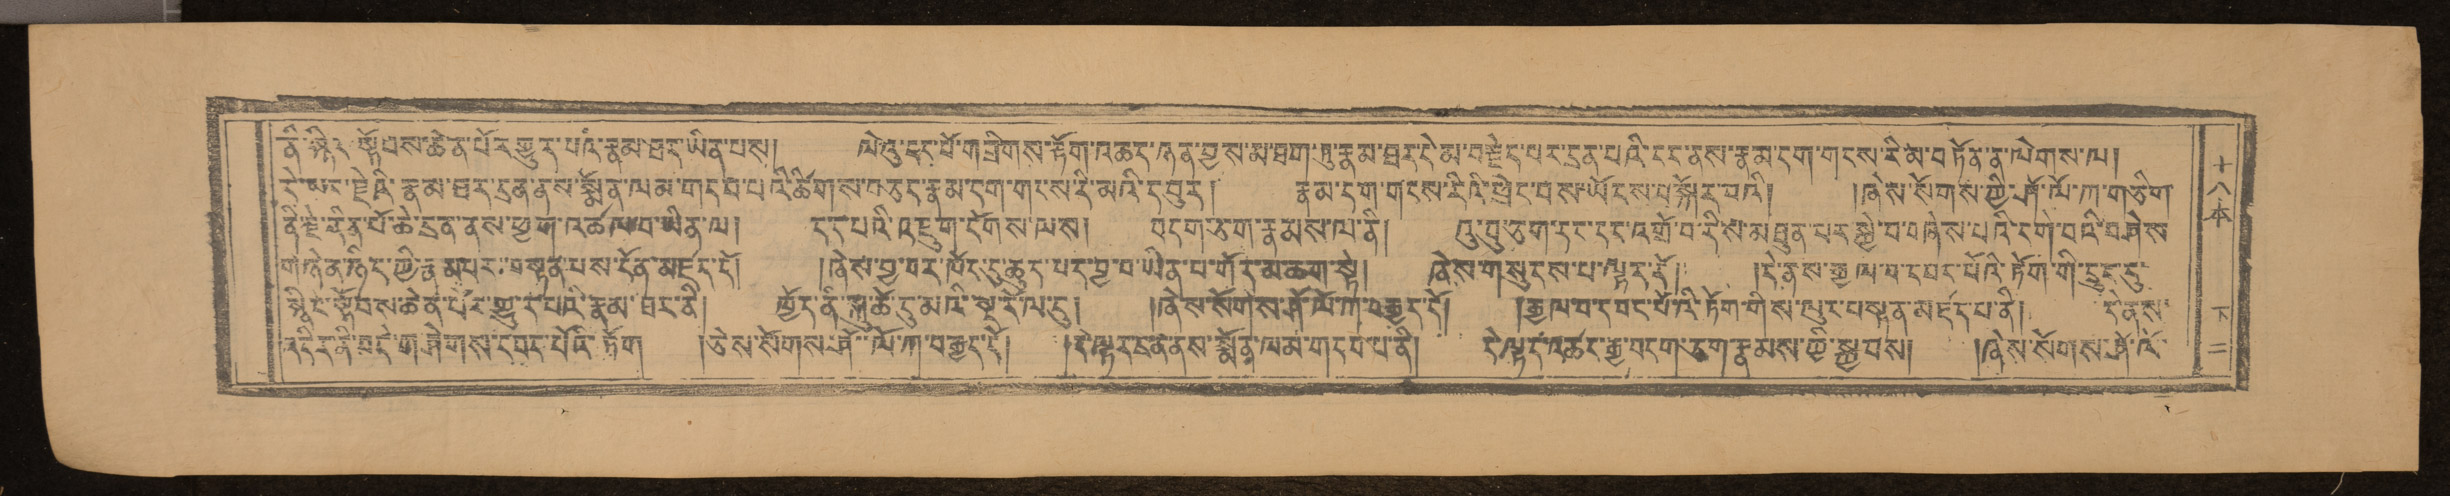ནི་སྙིང་སྟོབས་ཆེན་པོར་གྱུར་པའི་རྣམ་ཐར་ཡིན་པས། ལེའུ་དང་པོ་གཟིགས་རྟོག་འཆད་ཉན་བྱས་མ་ཐག་ཏུ་རྣམ་ཐར་དེ་མ་བརྗེད་པར་དྲན་པའི་ངང་ནས་རྣམ་དག་གངས་རི་མ་བཏོན་ན་ལེགས་ལ།
དེ་ཡང་རྗེའི་རྣམ་ཐར་དྲན་ནས་སྨོན་ལམ་གདབ་པའི་ཚིགས་བཅད་རྣམ་དག་གངས་རི་མའི་དབུར། རྣམ་དག་གངས་རིའི་ཕྲེད་བས་ཡོངས་བསྐོར་བའི། །ཞེས་སོགས་ཀྱི་ཤོ་ལོ་ཀ་གཅིག་
ནི་རྗེ་རིན་པོ་ཆེ་དྲན་ནས་ཕྱག་འཚལ་བ་ཡིན་ལ། དང་པའི་འཇུག་དོགས་ལས། བདག་ཅག་རྣམས་ལ་ནི། འུ་བུ་ཅག་རང་དང་འགྲོ་བ་རིས་མཐུན་པར་སྐྱེ་བ་བཞེས་པའི་དགེ་བའི་བཤེས་
གཉེན་ཉིད་ཀྱི་རྣམ་བར་བསྟན་པས་དོན་མཛད་དོ། །ཞེས་བྱ་བར་ཁོང་དུ་ཆུད་པར་བྱ་བ་ཡིན་པ་གོར་མ་ཆག་སྟེ། ཞེས་གསུངས་པ་ལྟར་རོ། །དེ་ནས་རྒྱལ་བ་དབང་པོའི་རྟོག་གི་དྲུང་དུ་
སྙིང་སྟོབས་ཆེན་པོར་གྱུར་པའི་རྣམ་ཐར་ནི། ཁྱོད་ནི་སྐུ་ཚེ་དུ་མའི་སྔ་རོལ་དུ། །ཞེས་སོགས་ཤོ་ལོ་ཀ་བརྒྱད་དོ། །རྒྱལ་བ་དབང་པོའི་ཏོག་གིས་ལུང་བསྟན་མཛད་པ་ནི། དེ་ནས་
འདིར་ནི་བདེ་གཤེགས་དབང་པོའི་ཏོག །ཅེས་སོགས་ཤོ་ལོ་ཀ་བརྒྱད་དེ། །དེ་ལྟར་དྲན་ནས་སྨོན་ལམ་གདབ་བ་ནི། དེ་ལྟར་འཚང་རྒྱ་བདག་ཅག་རྣམས་ཀྱི་སྐྱབས། །ཞེས་སོགས་ཤོ་ལོ་